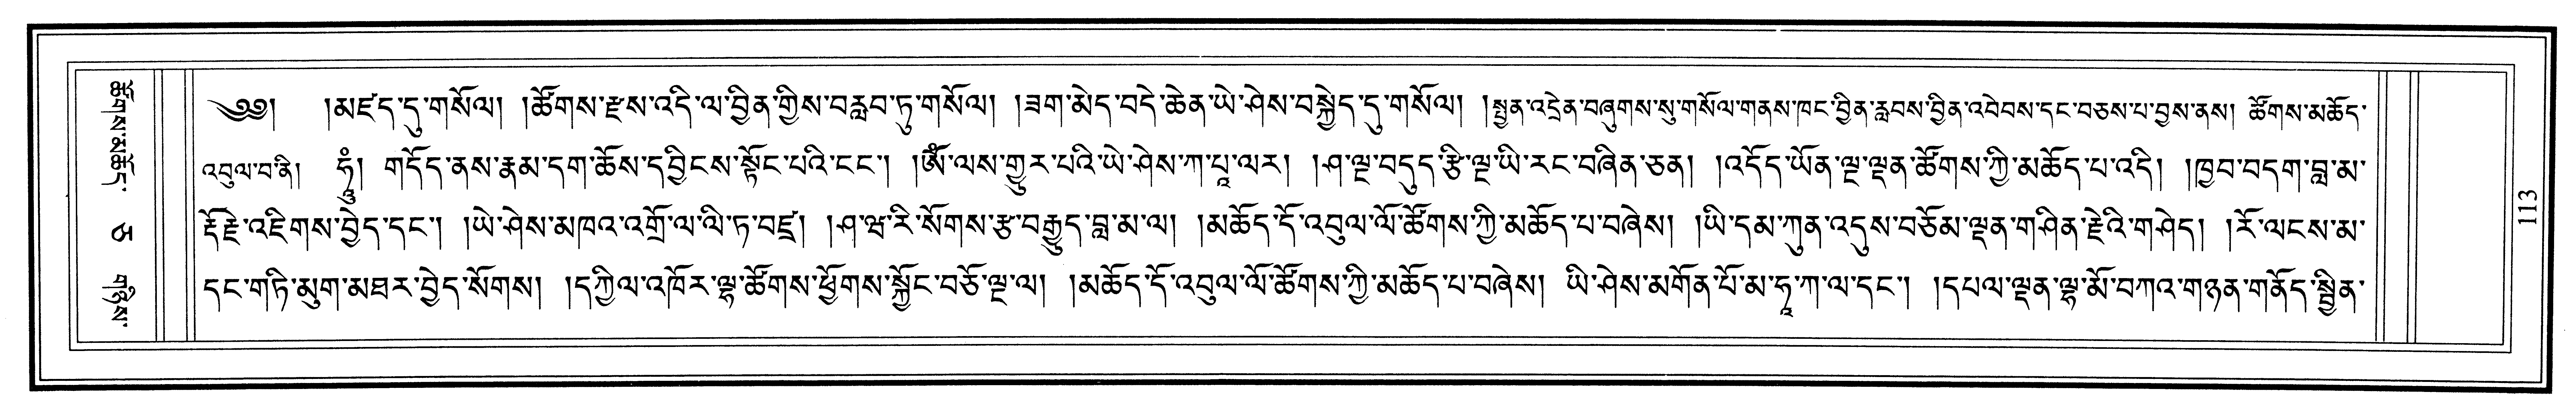༄༅། །མཛད་དུ་གསོལ། །ཚོགས་རྫས་འདི་ལ་བྱིན་གྱིས་བརླབ་ཏུ་གསོལ། །ཟག་མེད་བདེ་ཆེན་ཡེ་ཤེས་བསྐྱེད་དུ་གསོལ། །སྤྱན་འདྲེན་བཞུགས་སུ་གསོལ་གནས་ཁང་བྱིན་རླབས་བྱིན་འབེབས་དང་བཅས་པ་བྱས་ནས། ཚོགས་མཆོད་
འབུལ་བ་ནི། ཧཱུཾ་གདོད་ནས་རྣམ་དག་ཆོས་དབྱིངས་སྟོང་པའི་ངང་། །ཨོཾ་ལས་གྱུར་པའི་ཡེ་ཤེས་ཀ་པཱ་ལར། །ཤ་ལྔ་བདུད་རྩི་ལྔ་ཡི་རང་བཞིན་ཅན། །འདོད་ཡོན་ལྔ་ལྡན་ཚོགས་ཀྱི་མཆོད་པ་འདི། །ཁྱབ་བདག་བླ་མ་
རྡོ་རྗེ་འཇིགས་བྱེད་དང་། །ཡེ་ཤེས་མཁའ་འགྲོ་ལ་ལི་ཏ་བཛྲ། །ཤ་ཝ་རི་སོགས་རྩ་བརྒྱུད་བླ་མ་ལ། །མཆོད་དོ་འབུལ་ལོ་ཚོགས་ཀྱི་མཆོད་པ་བཞེས། །ཡི་དམ་ཀུན་འདུས་བཅོམ་ལྡན་གཤིན་རྗེའི་གཤེད། །རོ་ལངས་མ་
དང་གཏི་མུག་མཐར་བྱེད་སོགས། །དཀྱིལ་འཁོར་ལྷ་ཚོགས་ཕྱོགས་སྐྱོང་བཅོ་ལྔ་ལ། །མཆོད་དོ་འབུལ་ལོ་ཚོགས་ཀྱི་མཆོད་པ་བཞེས། ཡི་ཤེས་མགོན་པོ་མ་ཧཱ་ཀ་ལ་དང་། །དཔལ་ལྡན་ལྷ་མོ་བཀའ་གཉན་གནོད་སྦྱིན་